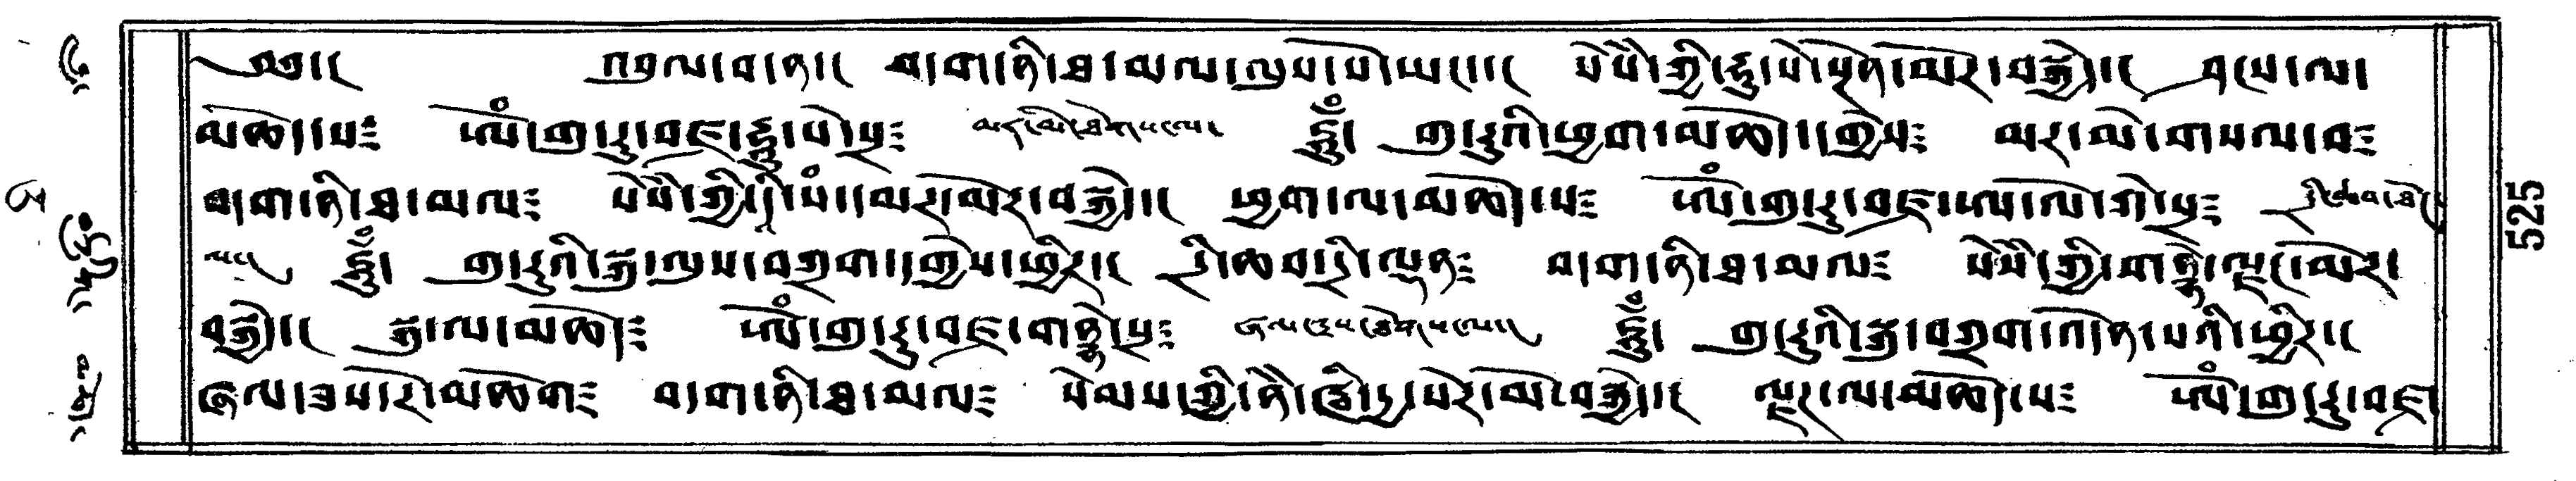འབུལ་བ་ན། །བདག་ནི་ཐ་མལ་ལུས་པོ་ཡང་། །སེམས་ཀྱི་དྷུ་པེ་སྔོན་མོར་བསྐྱེད། །ཤངས་ལ་
མཆོད་པ༴ ཨོཾ་གུ་རུ་བཛྲ་དྷཱུ་པེ་པྲ༴ མར་མེ་ཐོགས་ལ། ཧཱུྃ། གུ་རུའི་ཕྱག་མཆོད་དགྱེས༴ མར་མེ་གསལ་བ༴ 
བདག་ནི་ཐ་མལ༴ སེམས་ཀྱི་དྭི་པཾ་དམར་མོར་བསྐྱེད། །ཕྱག་ལ་མཆོད་པ༴ ཨོཾ་གུ་རུ་བཛྲ་ཨ་ལོ་ཀེ་པྲ༴ དྲི་ཆབ་ཐོགས་
ལ། ཧཱུྃ། གུ་རུའི་སྐུ་ལུས་བཀྲག་དགྱེས་ཕྱིར། དྲི་ཆབ་དྲི་ལྡན༴ བདག་ནི་ཐ་མལ༴ སེམས་ཀྱི་གནྡྷེ་ལྗང་མོར་
བསྐྱེད། སྐུ་ལ་མཆོད༴ ཨོཾ་གུ་རུ་བཛྲ་གནྡྷེ་པྲ༴ ཞལ་ཟས་ཐོགས་ལ། ཧཱུྃ། གུ་རུའི་སྐུ་བཀྲག་འདོན་པའི་ཕྱིར། །
ཞལ་ཟས་རོ་མཆོག༴ བདག་ནི་ཐ་མལ༴ སེམས་ཀྱི་ནཻ་ཝི་དྱ་སེར་མོ་བསྐྱེད། །ལྗགས་ལ་མཆོད་པ༴ ཨོཾ་གུ་རུ་བཛྲ་